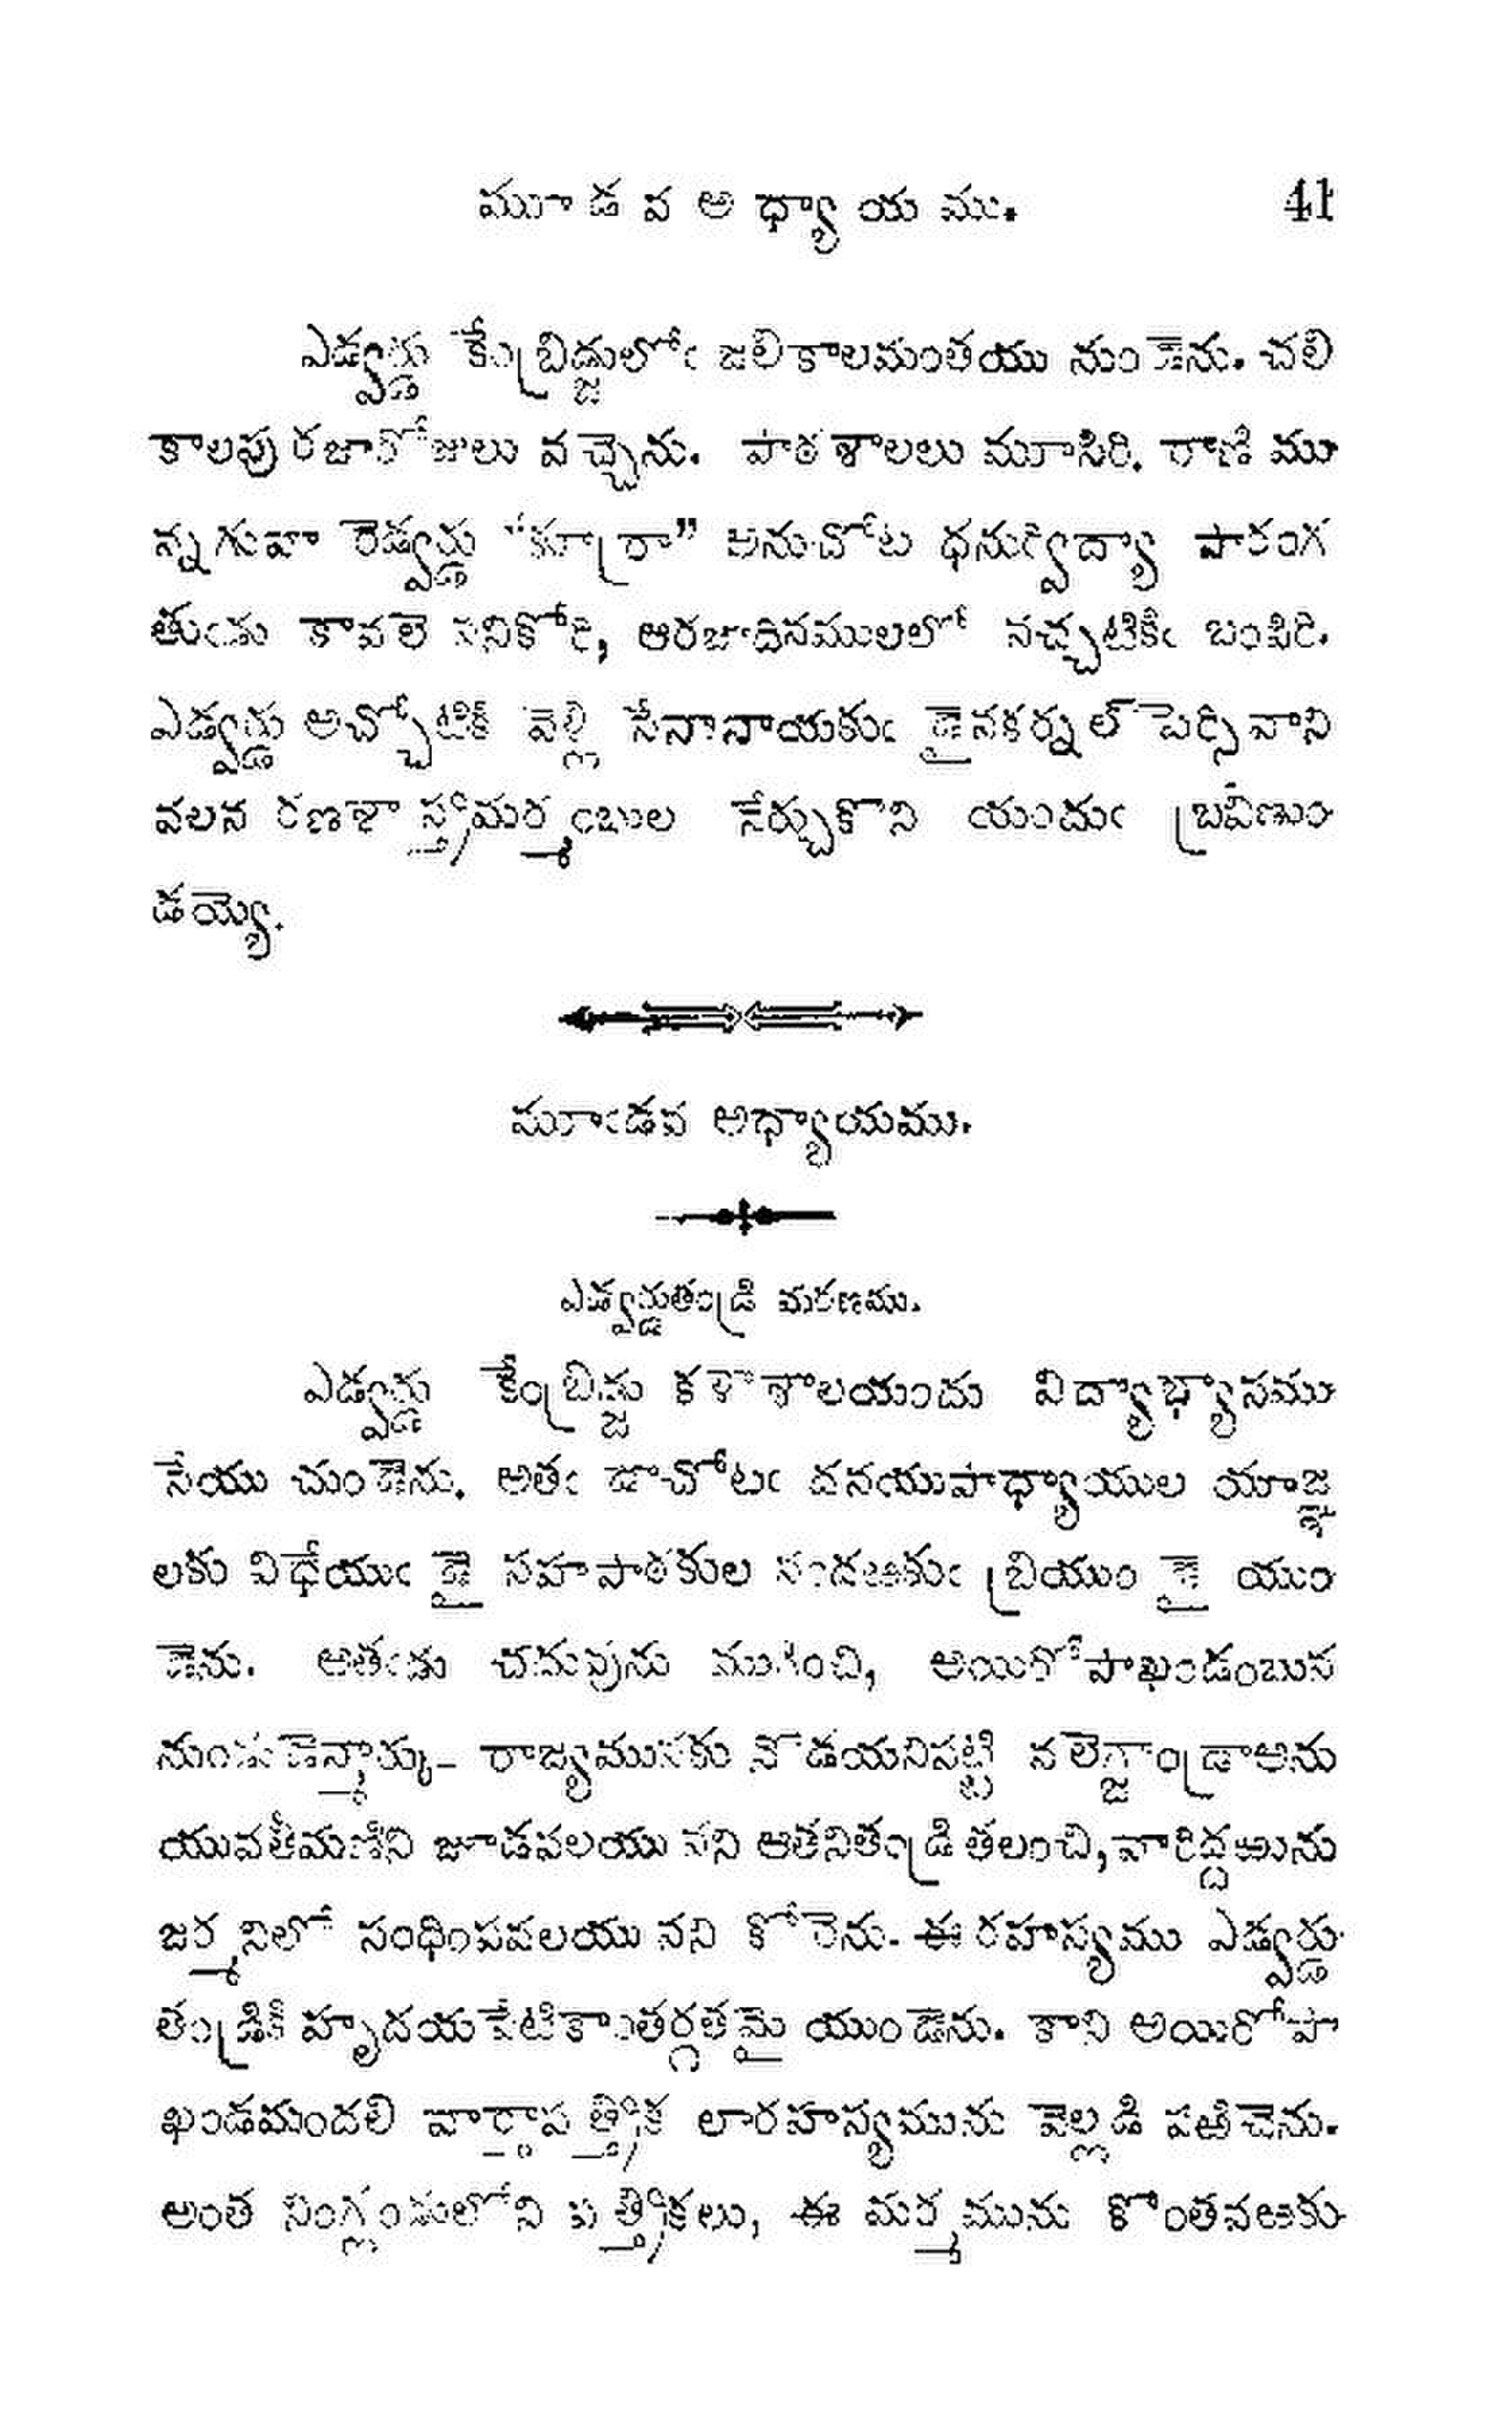ఎడ్వర్లు "కేం బ్రిడ్జులోఁ జలి కాలమంతయును నుండెను. చలికాలపు రజారోజులు వచ్చెను. పాఠశాలలు మూసిరి, రాణి మున్నగువా రెడ్వర్లు "కూర్రా” అను చోట ధనుర్విద్యా పారంగ
తుఁడు కావలె ననికోరి, ఆరజా దినములలో నచ్చటికి బంపిరి.ఎడ్వర్డు అచ్చోటికి వెళ్లి సేనానాయకుఁడైనకర్నల్ పెర్సీవానివలన రణశాస్త్రమర్మంబుల నేర్చుకొని యందుఁ బ్రవీణుడయ్యె.

మూఁడవ అధ్యాయము.

ఎడ్వర్డు కేంబ్రిడ్జు కళా శాలయందు విద్యాభ్యాసము సేయు చుండెను. అతఁడాచోటఁ దనయుపాధ్యాయుల యజ్ఞలకు విధేయుఁ డై సహ పాఠకుల నందుఱకుఁ బ్రియుండై యుం
డెను. అతడు చదువును ముగించి, అయిరోపా ఖండంబున నుండు డెన్మార్కు- రాజ్యమునకు నోడయనిపట్టి నలెగ్జాండ్రాను యువతీమణిని జూడవలయు నని అతనితండ్రి తలంచి, వారిద్దఱును
జర్మనిలో సంధింపవలయు నని కోనెను. ఈ రహస్యము ఎక్వర్డు తండ్రికి హృదయ పేటికాంతర్గతమై యుండెను. కాని అయిరోపాఖండ మందలి వార్తాపత్రిక లారహస్యమును వెల్లడి పఱచెను. అంత సంగ్లండులోని పత్రికలు, ఈ మర్మమును కొంతవఱకు